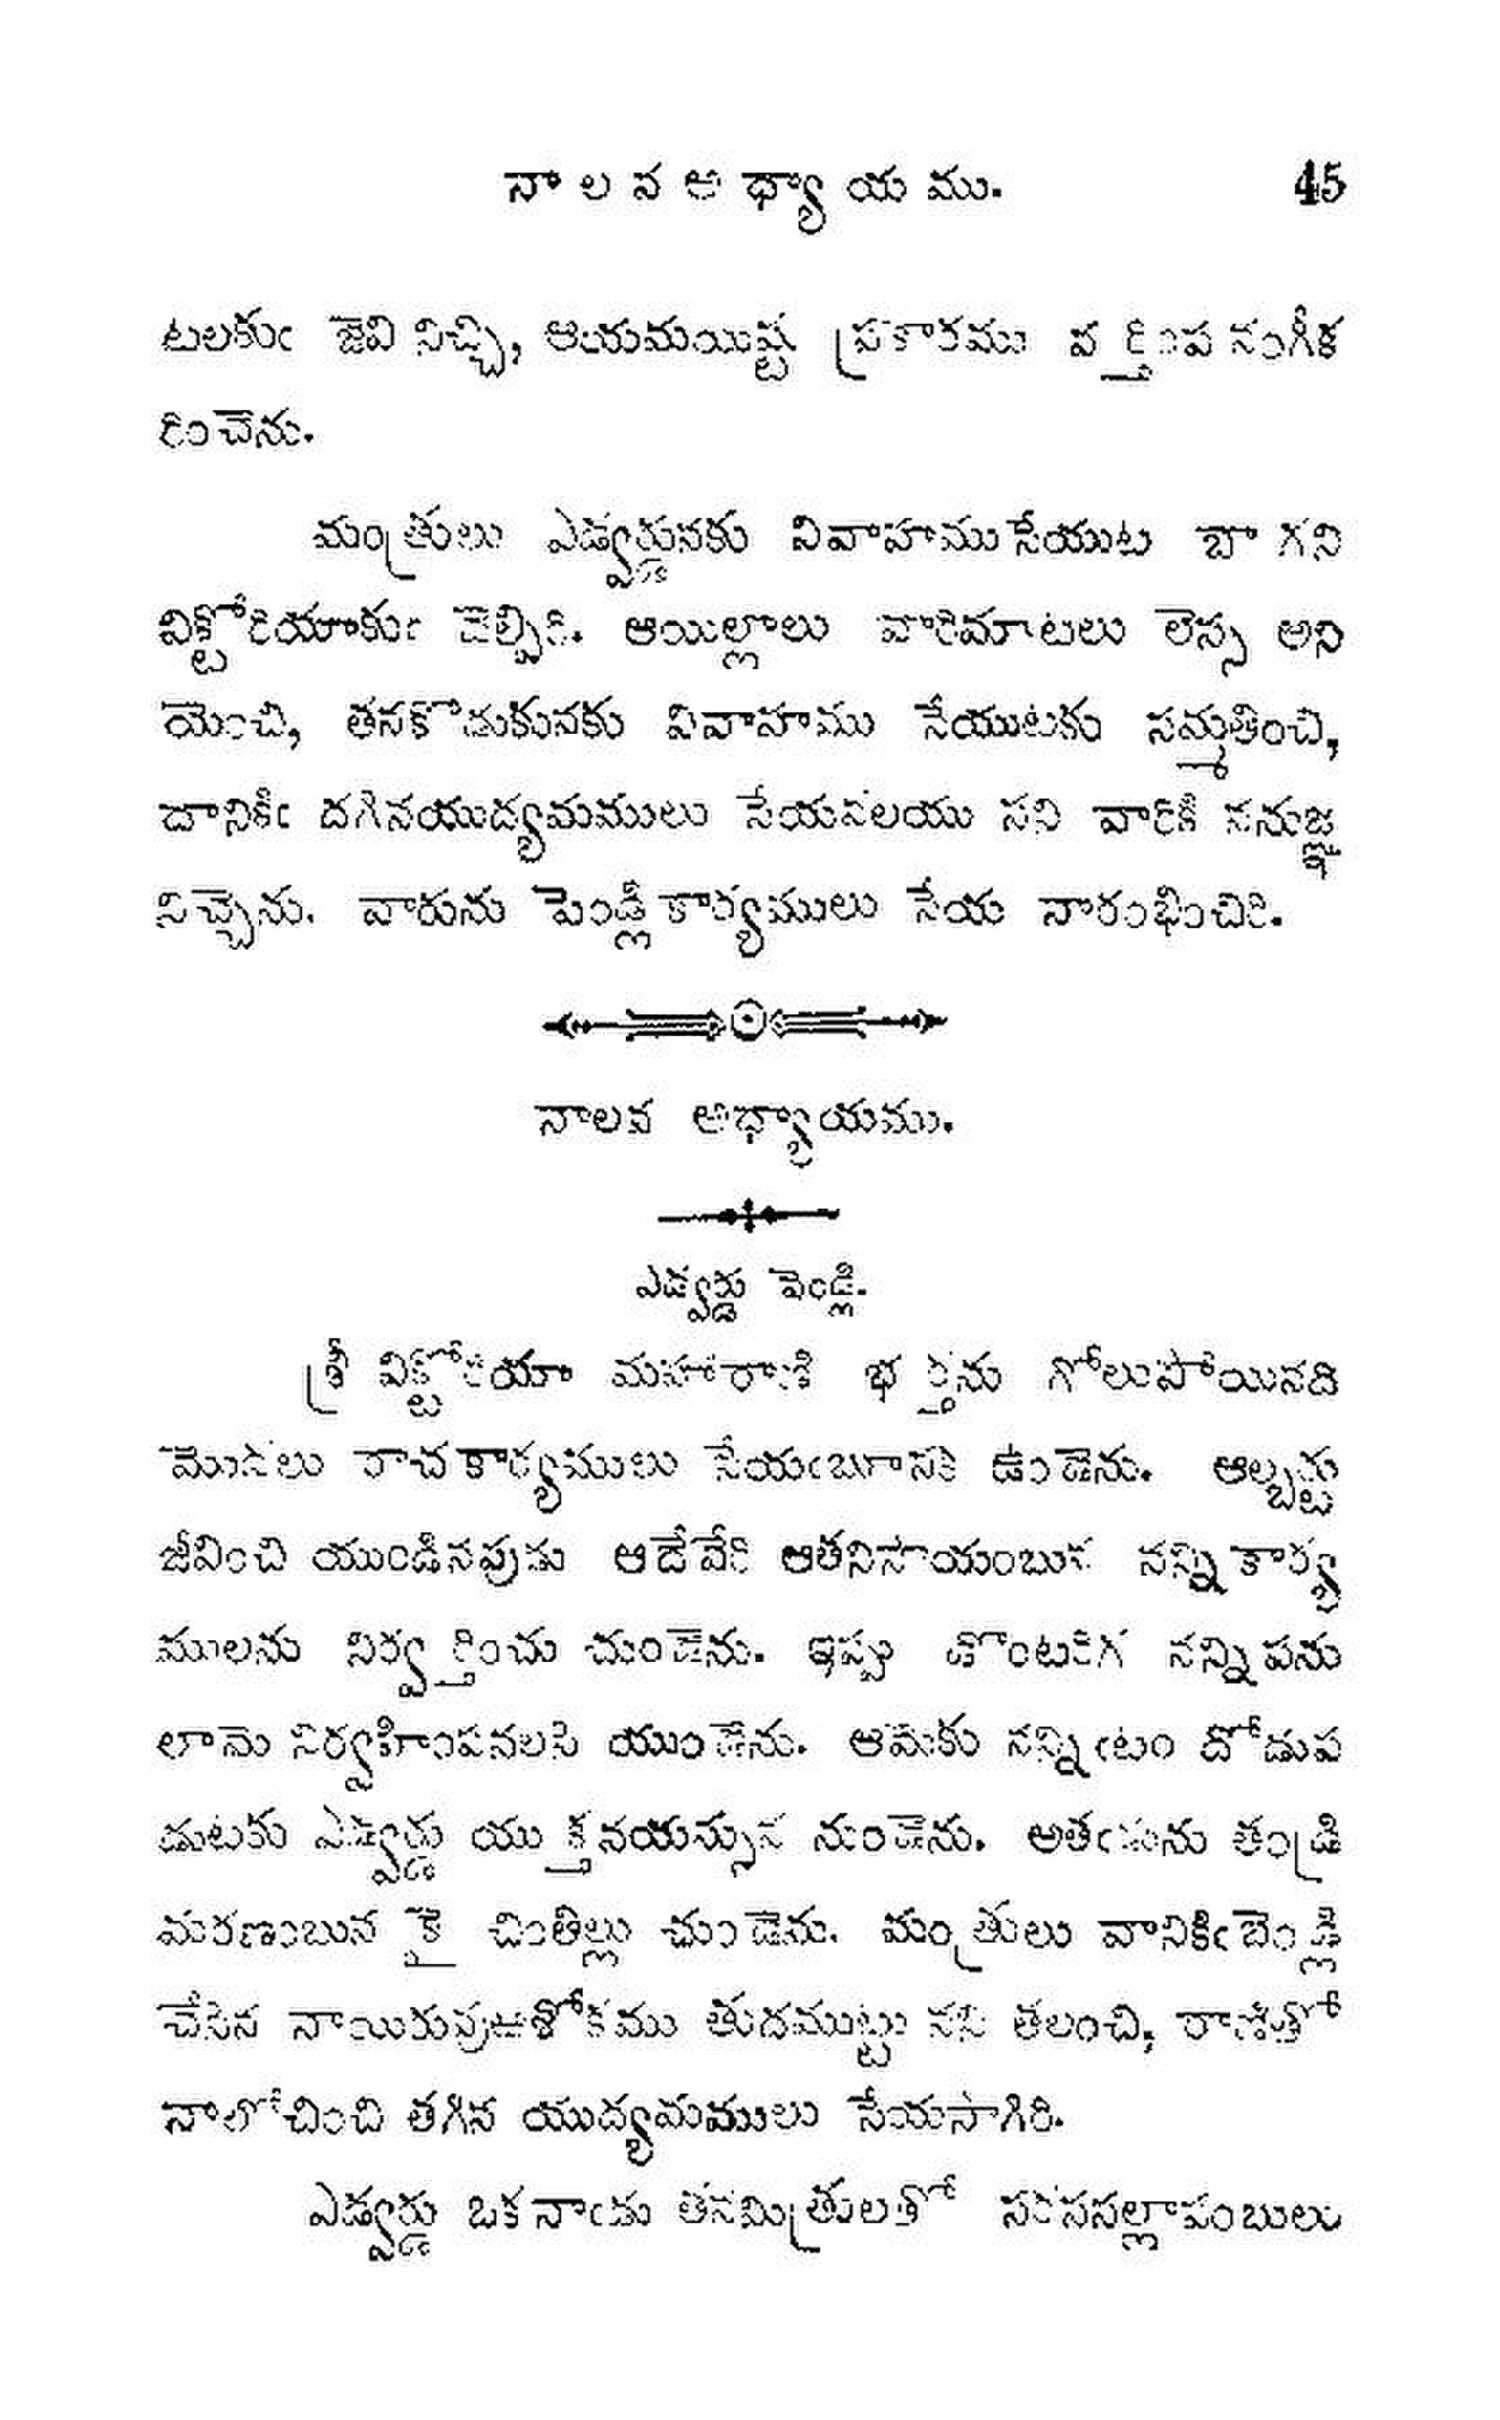టలకుఁ జెవి నిచ్చి, ఆరుముయిష్ట ప్రకారము వర్తింప సంగీకరించెను.

మంత్రులు ఎడ్వర్థునకు వివాహము సేయుట బా గని విక్టోరియాకు: "చెప్పిరి. ఆయిల్లాలు మామాటలు లెస్స అనియెంచీ, తనకోడుకునకు వివాహము చేయుటకు సమ్మతించి, దానికిఁ దగిన యుద్యమములు సేయవలయు సని వాటికి ననుజ్ఞ నిచ్చెను. వారును పెండ్లి కార్యములుసేయ నారంభించి.

శ్రీ విక్రయా మసూరాశీ భక్తిను గోలు పోయినది "మొదలు రాచ కార్యములుసేయఁబూనక ఉండెను. ఆల్లుడు జీవించి యుండి సపుడు ఆదేవేరి అతని సాయంబు నన్ని కార్యములను నిర్వర్తించు చుండెను. ఇప్పుడొంటరిగ సన్ని పనులామె నిర్వహింపనలసి యుండెను. ఆమెకు సన్నిఁటం దోడుప
దుటకు ఎడ్వర్డు యుక్త వయస్సున నుండెను. అతను తండ్రి మరణంబున కై చింతిల్లు చుండెను. మం త్రులు వానికిఁ బెండ్లి చేసిన నాయఱువుర శోకము తుదముట్టు నను తలంచి, రాణి
నాలోచించి తగిన యుద్యమములు సేయసాగిరి.

ఎడ్వర్డు ఒక నాఁడు తన మిత్రులతో సరిససల్లాపంబులు